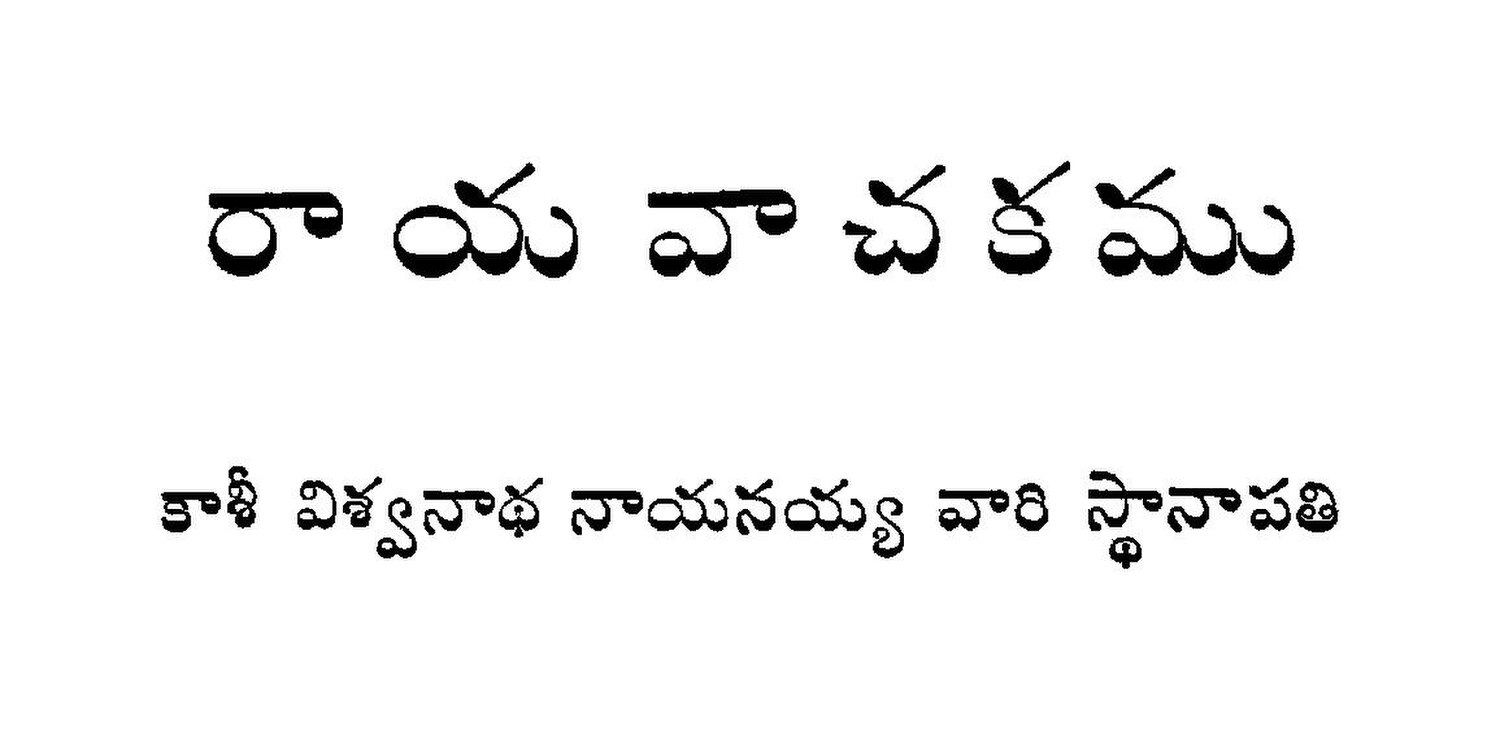రాయవాచకము

కాశీ విశ్వనాథ నాయనయ్య వారి స్థానాపతి